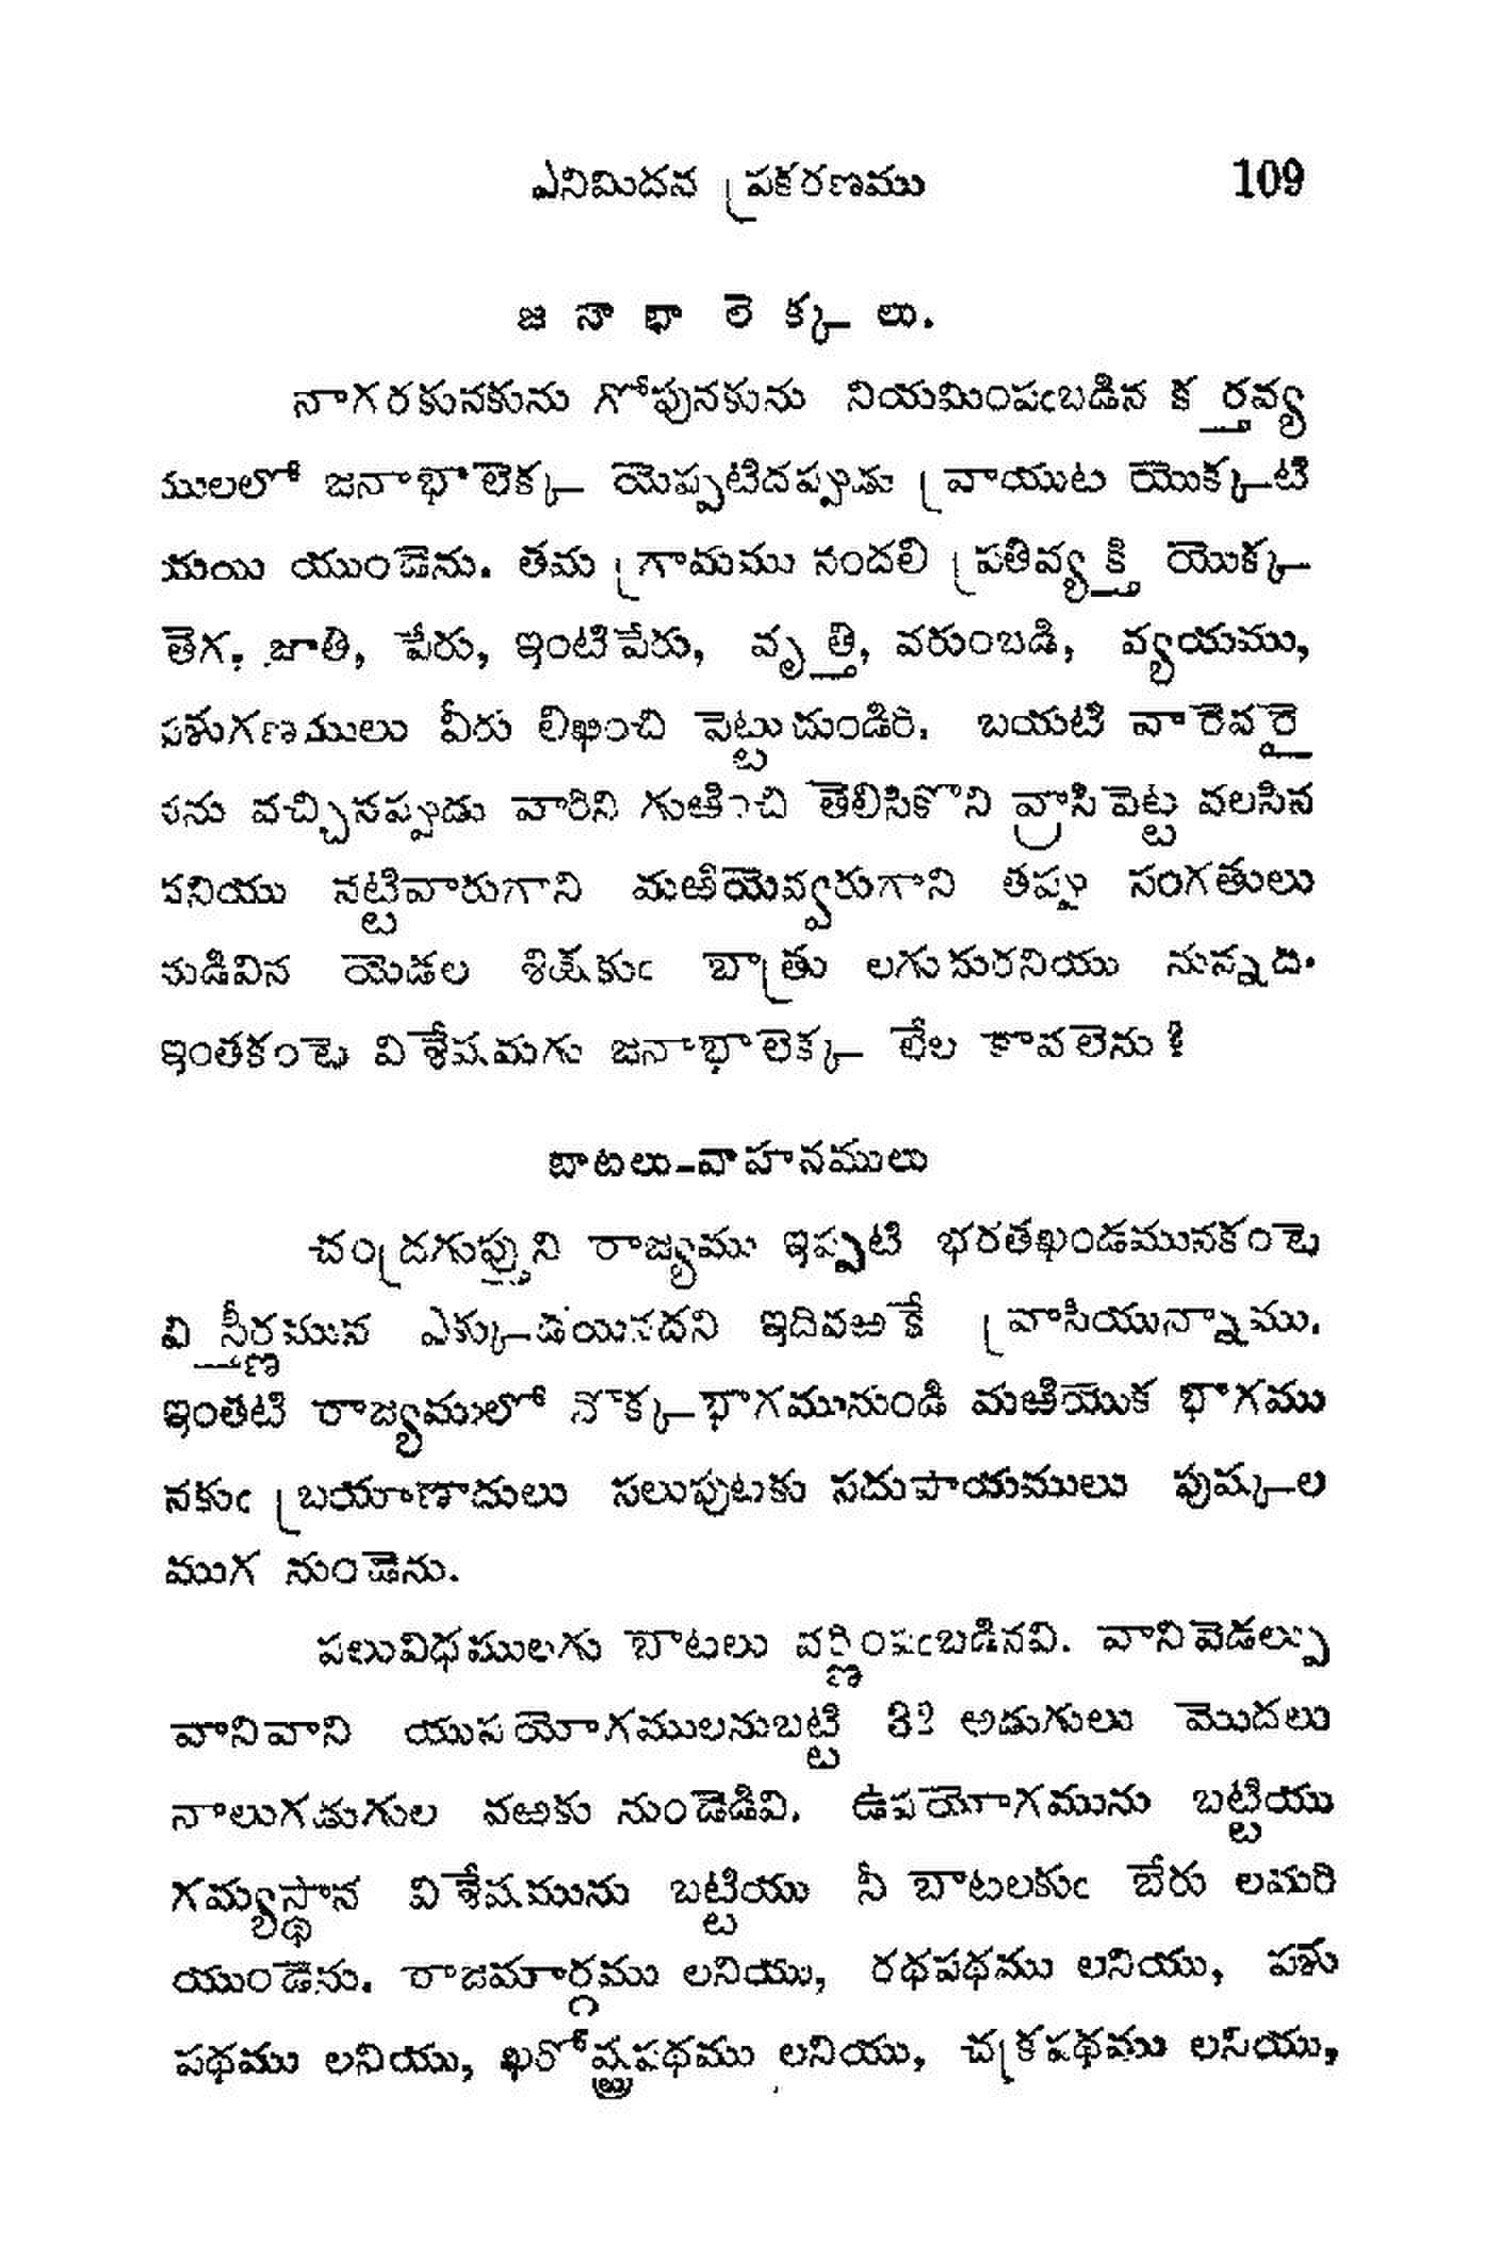జనాభా లెక్కలు. 

నాగరకునకును గోపునకును నియమింపఁబడిన కర్తవ్యములలో జనాభాలెక్క యెప్పటిదప్పుడు వ్రాయుట యొక్కటి మయి యుండెను. తమ గ్రామము నందలి ప్రతివ్యక్తి యొక్క తెగ, జాతి, పేరు, ఇంటి పేరు, వృత్తి, వరుంబడి, వ్యయము, పశుగణములు వీరు లిఖించి పెట్టుచుండిరి. బయటి వారెవరైనను వచ్చినప్పుడు వారిని గుఱించి తెలిసికొని వ్రాసిపెట్ట వలసిన దనియు నట్టివారుగాని మఱియెవ్వరుగాని తప్పు సంగతులు నుడివిన యెడల శిక్షకుఁ బాత్రు లగుదురనియు నున్నది. ఇంతకంటె విశేషమగు జనాభాలెక్క లేల కావలెను ?

బాటలు వాహనములు 

చంద్రగుప్తుని రాజ్యము ఇప్పటి భరతఖండమునకంటె విస్తీర్ణమున ఎక్కుడయినదని ఇదివఱకే వ్రాసియున్నాము. ఇంతటి రాజ్యములో నొక్క భాగమునుండి మఱియొక భాగమునకుఁ బ్రయాణాదులు సలుపుటకు సదుపాయములు పుష్కలముగ నుండెను.

పలువిధములగు బాటలు వర్ణింపఁబడినవి. వానివెడల్పు వానివాని యుపయోగములనుబట్టి 32 అడుగులు మొదలు నాలుగడుగుల వఱకు నుండెడివి. ఉపయోగమును బట్టియు గమ్యస్థాన విశేషమును బట్టియు నీ బాటలకుఁ బేరు లమరి
యుండెను. రాజమార్గము లనియు, రథపథము లనియు, పశు పథము లనియు, ఖరోష్ట్రపథము లనియు, చక్రపథము లనియు,